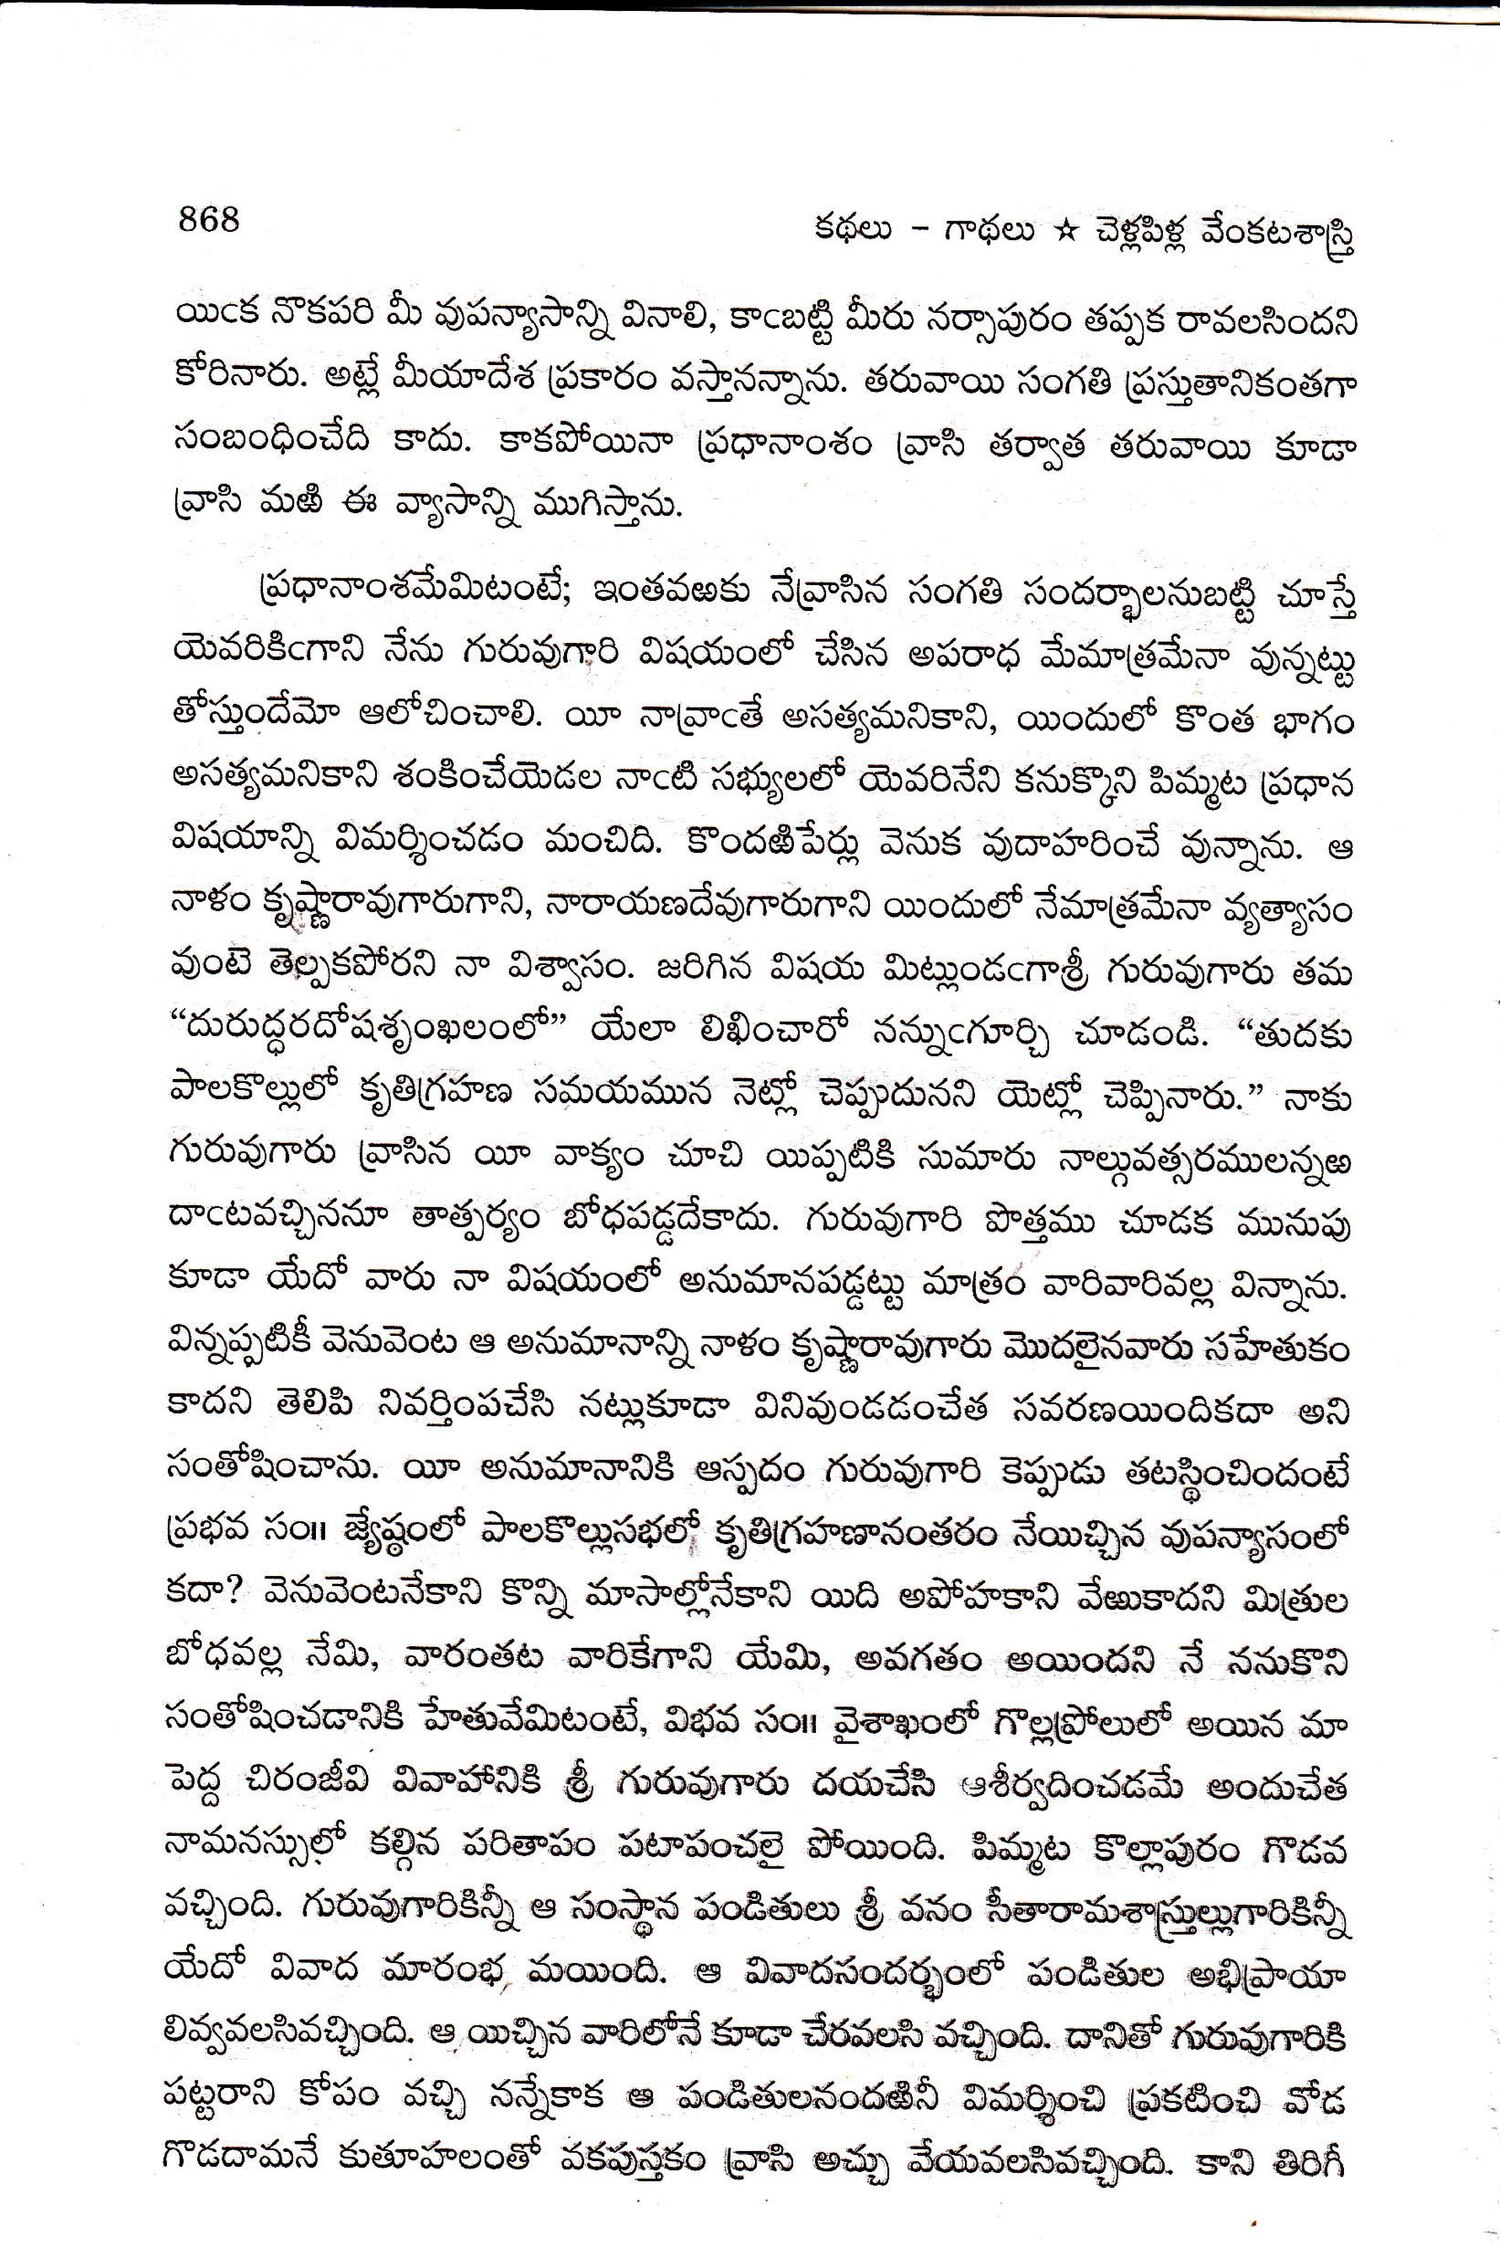యిఁక నొకపరి మీ వుపన్యాసాన్ని వినాలి, కాఁబట్టి మీరు నర్సాపురం తప్పక రావలసిందని కోరినారు. అట్లే మీయాదేశ ప్రకారం వస్తానన్నాను. తరువాయి సంగతి ప్రస్తుతానికంతగా సంబంధించేది కాదు. కాకపోయినా ప్రధానాంశం వ్రాసి తర్వాత తరువాయి కూడా వ్రాసి మఱి ఈ వ్యాసాన్ని ముగిస్తాను.

ప్రధానాంశమేమిటంటే; ఇంతవఱకు నేవ్రాసిన సంగతి సందర్భాలనుబట్టి చూస్తే యెవరికిఁగాని నేను గురువుగారి విషయంలో చేసిన అపరాధ మేమాత్రమేనా వున్నట్టు తోస్తుందేమో ఆలోచించాలి. యీ నా వ్రాఁతే అసత్యమనికాని, యిందులో కొంత భాగం అసత్యమనికాని శంకించేయెడల నాఁటి సభ్యులలో యెవరినేని కనుక్కొని పిమ్మట ప్రధాన విషయాన్ని విమర్శించడం మంచిది. కొందఱిపేర్లు వెనుక వుదాహరించే వున్నాను. ఆ నాళం కృష్ణారావుగారుగాని, నారాయణదేవుగారుగాని యిందులో నేమాత్రమేనా వ్యత్యాసం వుంటె తెల్పకపోరని నా విశ్వాసం. జరిగిన విషయ మిట్లుండఁగా శ్రీ గురువుగారు తమ “దురుద్ధరదోషశృంఖలంలో" యేలా లిఖించారో నన్నుఁగూర్చి చూడండి. "తుదకు పాలకొల్లులో కృతిగ్రహణ సమయమున నెట్లో చెప్పుదునని యెట్లో చెప్పినారు." నాకు గురువుగారు వ్రాసిన యీ వాక్యం చూచి యిప్పటికి సుమారు నాల్గువత్సరములన్నఱ దాఁటవచ్చిననూ తాత్పర్యం బోధపడ్డదేకాదు. గురువుగారి పొత్తము చూడక మునుపు కూడా యేదో వారు నా విషయంలో అనుమానపడ్డట్టు మాత్రం వారివారివల్ల విన్నాను. విన్నప్పటికీ వెనువెంట ఆ అనుమానాన్ని నాళం కృష్ణారావుగారు మొదలైనవారు సహేతుకం కాదని తెలిపి నివర్తింపచేసి నట్లుకూడా వినివుండడంచేత సవరణయిందికదా అని సంతోషించాను. యీ అనుమానానికి ఆస్పదం గురువుగారి కెప్పుడు తటస్థించిందంటే ప్రభవ సంll జ్యేష్టంలో పాలకొల్లుసభలో కృతిగ్రహణానంతరం నేయిచ్చిన వుపన్యాసంలో కదా? వెనువెంటనేకాని కొన్ని మాసాల్లోనేకాని యిది అపోహకాని వేఱుకాదని మిత్రుల బోధవల్ల నేమి, వారంతట వారికేగాని యేమి, అవగతం అయిందని నే ననుకొని సంతోషించడానికి హేతువేమిటంటే, విభవ సంll వైశాఖంలో గొల్లప్రోలులో అయిన మా పెద్ద చిరంజీవి వివాహానికి శ్రీ గురువుగారు దయచేసి ఆశీర్వదించడమే అందుచేత నామనస్సులో కల్గిన పరితాపం పటాపంచలై పోయింది. పిమ్మట కొల్లాపురం గొడవ వచ్చింది. గురువుగారికిన్నీ ఆ సంస్థాన పండితులు శ్రీ వనం సీతారామశాస్త్రుల్లుగారికిన్నీ యేదో వివాద మారంభ మయింది. ఆ వివాదసందర్భంలో పండితుల అభిప్రాయా లివ్వవలసివచ్చింది. ఆ యిచ్చిన వారిలోనే కూడా చేరవలసి వచ్చింది. దానితో గురువుగారికి పట్టరాని కోపం వచ్చి నన్నేకాక ఆ పండితులనందఱినీ విమర్శించి ప్రకటించి వోడ గొడదామనే కుతూహలంతో వకపుస్తకం వ్రాసి అచ్చు వేయవలసివచ్చింది. కాని తిరిగీ